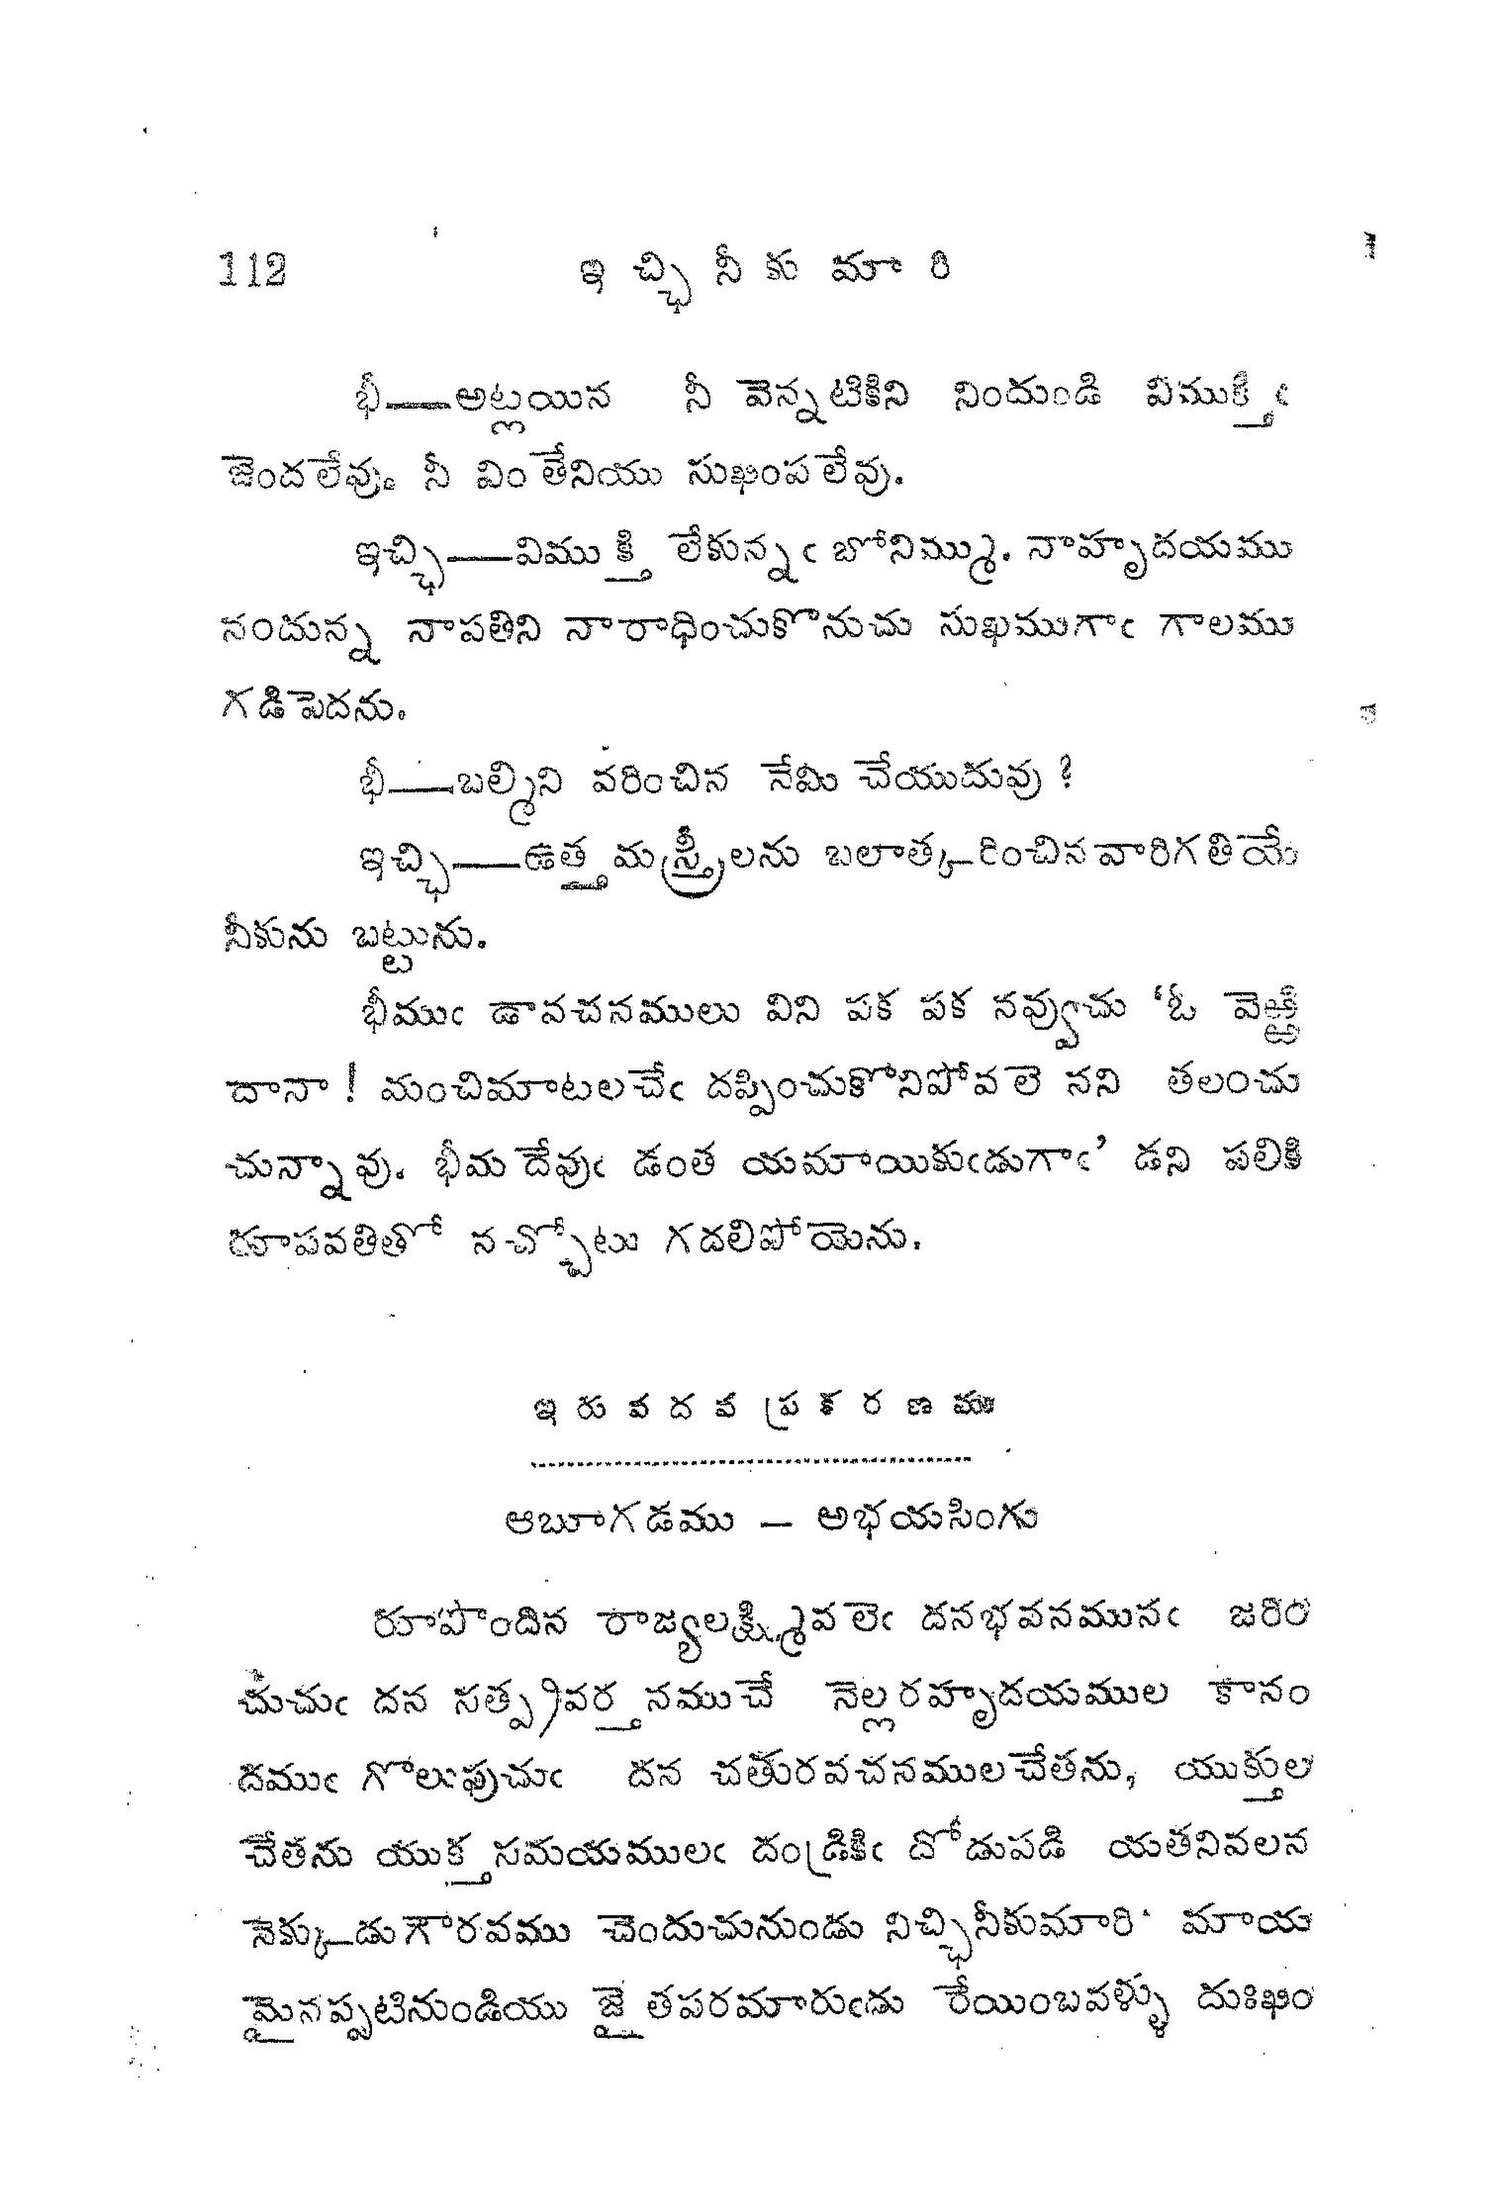ఎదు అట్లయిన నీ వెన్నటికిని నిందుండి విముక్తి జెంద లేవు. నీ విం తేనియు సుఖంప లేవు.

ఇచ్చి: ——విముక్తి లేకున్నఁ బోనిమ్ము, నాహృదయము నందున్న నాపతిని నారాధించుకొనుచు సుఖముగాఁ గాలము గడి పెదను.

భీ: బల్మిని వరించిన నేమి చేయుదువు ?

ఇచ్ఛి: — ఉత్త మస్త్రీలను బలాత్కరించిన వారిగతియే నీకును బట్టును.

భీముడా వచనములు విని పక పక నవ్వుచు 'ఓ వెర్రి దానా ! మంచిమాటలచేఁ దప్పించుకోనిపోవ లె నని తలంచు చున్నావు. భీమ దేవుఁ డంత యమాయికుఁడుగాఁ' డని పలికి రూపవతితో నచ్చోటు గదలిపోయెను.

రూపొందిన రాజ్యలక్ష్మివలెఁ దన భవనమునఁ జరిం చుచుఁ దన సత్ప్రవర్తనము చే నెల్ల రహృదయముల కానం దముఁ గోలు పుచుఁ దన చతురవచనముల చేతను, యుక్తుల చేతను యుక్త సమయములఁ దండ్రికిఁ దోడుపడి యతనివలన నెక్కుడు గౌరవము చెందుచునుండు నిచ్ఛినీకుమారి మాయ మైనప్పటినుండియు జై తపరమారుఁడు రేయింబవళ్ళు దుఃఖిం